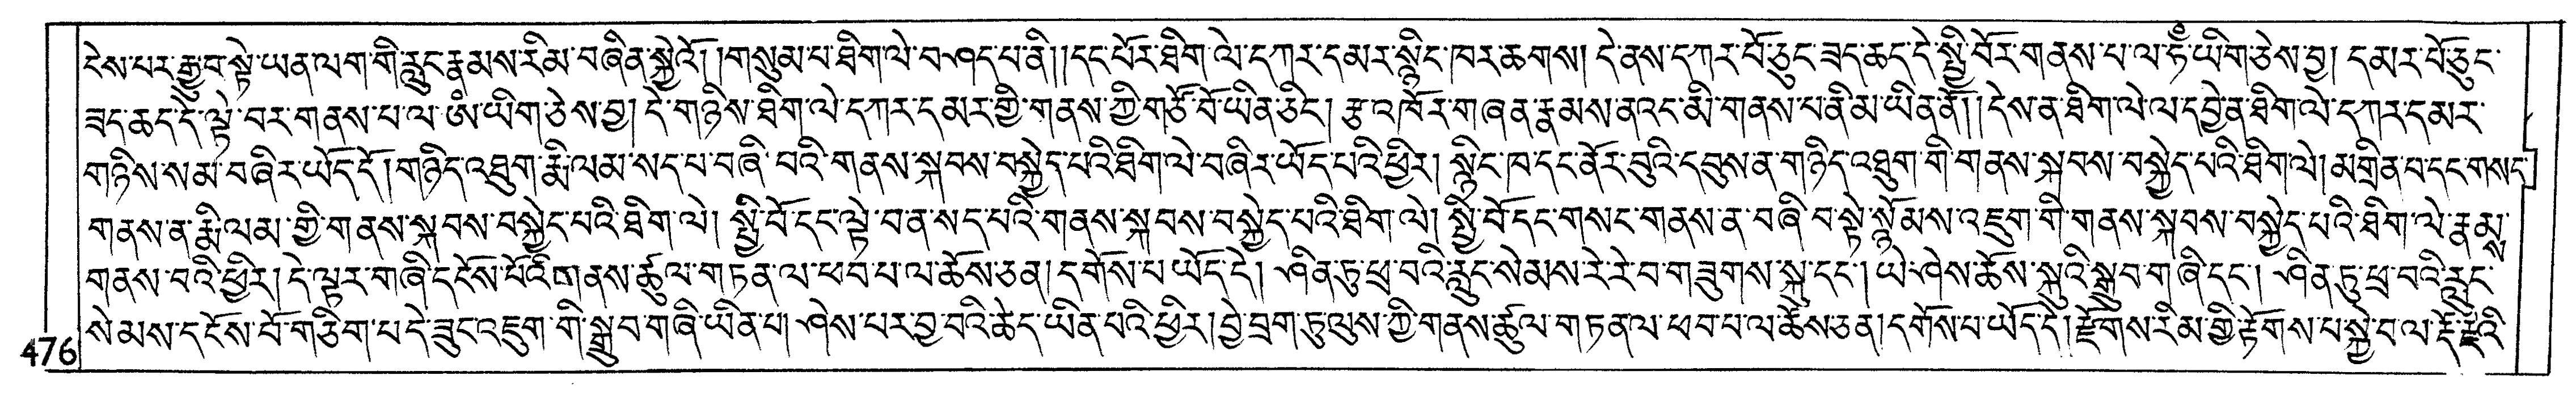ངེས་པར་རྒྱུ་བ་སྟེ་ཡན་ལག་གི་རླུང་རྣམས་རིམ་བཞིན་སྐྱེའོ། །གསུམ་པ་ཐིག་ལེ་བཤད་པ་ནི། །དང་པོར་ཐིག་ལེ་དཀར་དམར་སྙིང་ཁར་ཆགས། དེ་ནས་དཀར་པོ་ཅུང་ཟད་ཆད་དེ་སྤྱི་བོར་གནས་པ་ལ་ཧཾ་ཡིག་ཅེས་བྱ། དམར་པོ་ཅུང་
ཟད་ཆད་དེ་ལྟེ་བར་གནས་པ་ལ་ཨཾ་ཡིག་ཅེས་བྱ། དེ་གཉིས་ཐིག་ལེ་དཀར་དམར་གྱི་གནས་ཀྱི་གཙོ་བོ་ཡིན་ཅིང་། རྩ་འཁོར་གཞན་རྣམས་ནའང་མི་གནས་པ་ནི་མ་ཡིན་ནོ། །དེས་ན་ཐིག་ལེ་ལ་དབྱེ་ན་ཐིག་ལེ་དཀར་དམར་
གཉིས་སམ་བཞིར་ཡོད་དོ། གཉིད་འཐུག་རྨི་ལམ་སད་པ་བཞི་པའི་གནས་སྐབས་བསྐྱེད་པའི་ཐིག་ལེ་བཞིར་ཡོད་པའི་ཕྱིར། སྙིང་ཁ་དང་ནོར་བུའི་དབུས་ན་གཉིད་འཐུག་གི་གནས་སྐབས་བསྐྱེད་པའི་ཐིག་ལེ། མགྲིན་པ་དང་གསང་
གནས་ན་རྨི་ལམ་གྱི་གནས་སྐབས་བསྐྱེད་པའི་ཐིག་ལེ། སྤྱི་པོ་དང་ལྟེ་བ་ན་སད་པའི་གནས་སྐབས་བསྐྱེད་པའི་ཐིག་ལེ། སྤྱི་བོ་དང་གསང་གནས་ན་བཞི་བ་སྟེ་སྙོམས་འཇུག་གི་གནས་སྐབས་བསྐྱེད་པའི་ཐིག་ལེ་རྣམས་
གནས་བའི་ཕྱིར། དེ་ལྟར་གཞི་དངོས་པོའི་གནས་ཚུལ་གཏན་ལ་ཕབ་པ་ལ་ཆོས་ཅན། དགོས་པ་ཡོད་དེ། ཤིན་ཏུ་ཕྲ་བའི་རླུང་སེམས་རེ་རེ་བ་གཟུགས་སྐུ་དང་། ཡེ་ཤེས་ཆོས་སྐུའི་སྒྲུབ་གཞི་དང་། ཤིན་ཏུ་ཕྲ་བའི་རླུང་
སེམས་དངོས་པོ་གཅིག་པ་དེ་ཟུང་འཇུག་གི་སྒྲུབ་གཞི་ཡིན་པ། ཤེས་པར་བྱ་བའི་ཆེད་ཡིན་པའི་ཕྱིར། བྱེ་བྲག་ཏུ་ལུས་ཀྱི་གནས་ཚུལ་གཏན་ལ་ཕབ་པ་ལ་ཆོས་ཅན། དགོས་པ་ཡོད་དེ། རྫོགས་རིམ་གྱི་རྟོགས་པ་སྐྱེ་བ་ལ་རྡོ་རྗེའི་